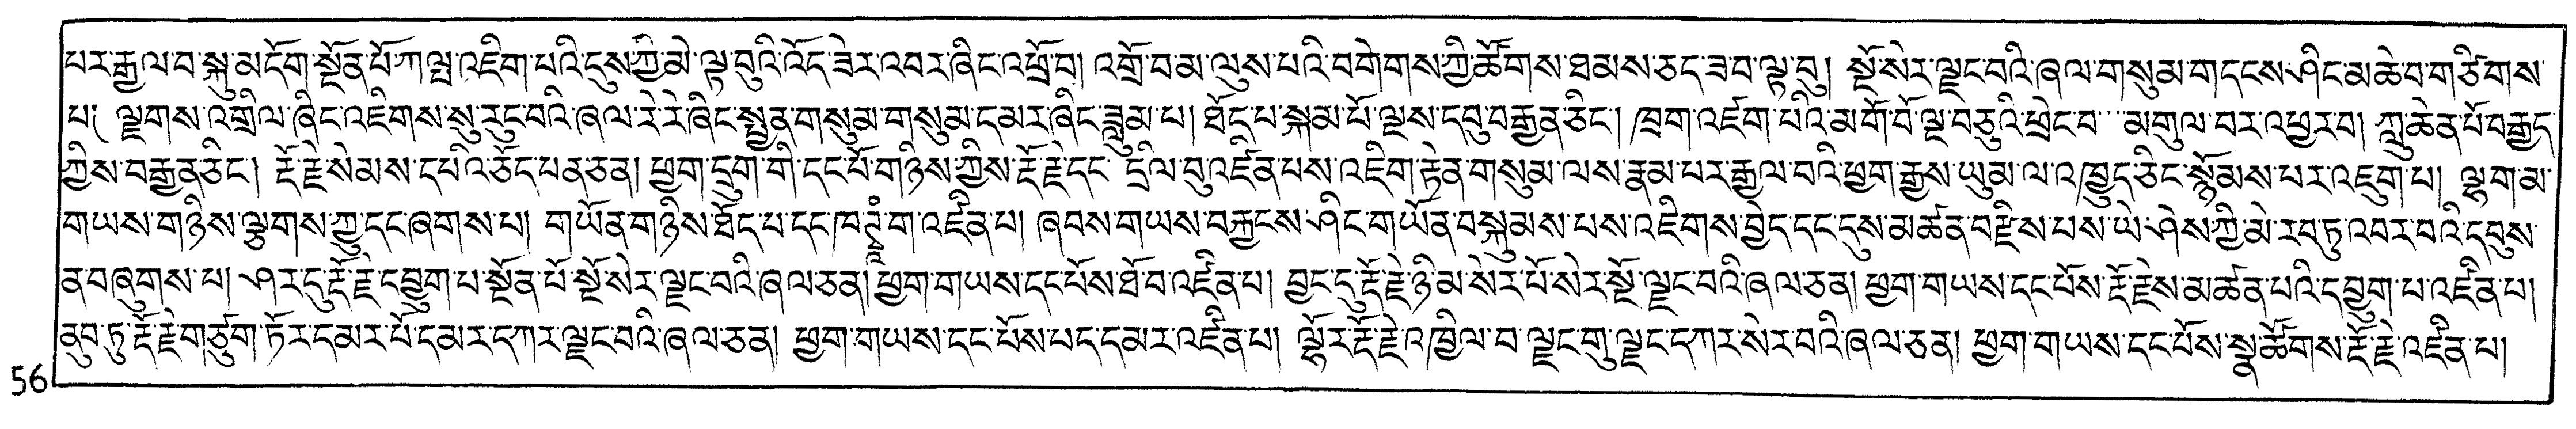པར་རྒྱལ་བ་སྐུ་མདོག་སྔོན་པོ་ཀལྤ་འཇིག་པའི་དུས་ཀྱི་མེ་ལྟ་བུའི་འོད་ཟེར་འབར་ཞིང་འཕྲོ་བ། འགྲོ་བ་མ་ལུས་པའི་བགེགས་ཀྱི་ཚོགས་ཐམས་ཅད་ཟ་བ་ལྟ་བུ། སྔོ་སེར་ལྗང་བའི་ཞལ་གསུམ་གདངས་ཤིང་མཆེ་བ་གཙིགས་
པ། ལྗགས་འགྲིལ་ཞིང་འཇིགས་སུ་རུང་བའི་ཞལ་རེ་རེ་ཞིང་སྤྱན་གསུམ་གསུམ་དམར་ཞིང་ཟླུམ་པ། ཐོད་པ་སྐམ་པོ་ལྔས་དབུ་བརྒྱན་ཅིང་། ཁྲག་འཛག་པའི་མགོ་བོ་ལྔ་བཅུའི་ཕྲེང་བ་མགུལ་བར་འཕྱར་བ། ཀླུ་ཆེན་པོ་བརྒྱད་
ཀྱིས་བརྒྱན་ཅིང་། རྡོ་རྗེ་སེམས་དཔའི་ཅོད་པན་ཅན། ཕྱག་དྲུག་གི་དང་པོ་གཉིས་ཀྱིས་རྡོ་རྗེ་དང་དྲིལ་བུ་འཛིན་པས་འཇིག་རྟེན་གསུམ་ལས་རྣམ་པར་རྒྱལ་བའི་ཕྱག་རྒྱས་ཡུམ་ལ་འཁྱུད་ཅིང་སྙོམས་པར་འཇུག་པ། ལྷག་མ་
གཡས་གཉིས་ལྕགས་ཀྱུ་དང་ཞགས་པ། གཡོན་གཉིས་ཐོད་པ་དང་ཁ་ཊྭཱཾ་ག་འཛིན་པ། ཞབས་གཡས་བརྐྱངས་ཤིང་གཡོན་བསྐུམས་པས་འཇིགས་བྱེད་དང་དུས་མཚན་བརྫིས་པས་ཡེ་ཤེས་ཀྱི་མེ་རབ་ཏུ་འབར་བའི་དབུས་
ན་བཞུགས་པ། ཤར་དུ་རྡོ་རྗེ་དབྱུག་པ་སྔོན་པོ་སྔོ་སེར་ལྗང་བའི་ཞལ་ཅན། ཕྱག་གཡས་དང་པོས་ཐོ་བ་འཛིན་པ། བྱང་དུ་རྡོ་རྗེ་ཉི་མ་སེར་པོ་སེར་སྔོ་ལྗང་བའི་ཞལ་ཅན། ཕྱག་གཡས་དང་པོས་རྡོ་རྗེས་མཚན་པའི་དབྱུག་པ་འཛིན་པ།
ནུབ་ཏུ་རྡོ་རྗེ་གཙུག་ཏོར་དམར་པོ་དམར་དཀར་ལྗང་བའི་ཞལ་ཅན། ཕྱག་གཡས་དང་པོས་པད་དམར་འཛིན་པ། ལྷོར་རྡོ་རྗེ་འཁྱིལ་བ་ལྗང་གུ་ལྗང་དཀར་སེར་བའི་ཞལ་ཅན། ཕྱག་གཡས་དང་པོས་སྣ་ཚོགས་རྡོ་རྗེ་འཛིན་པ།